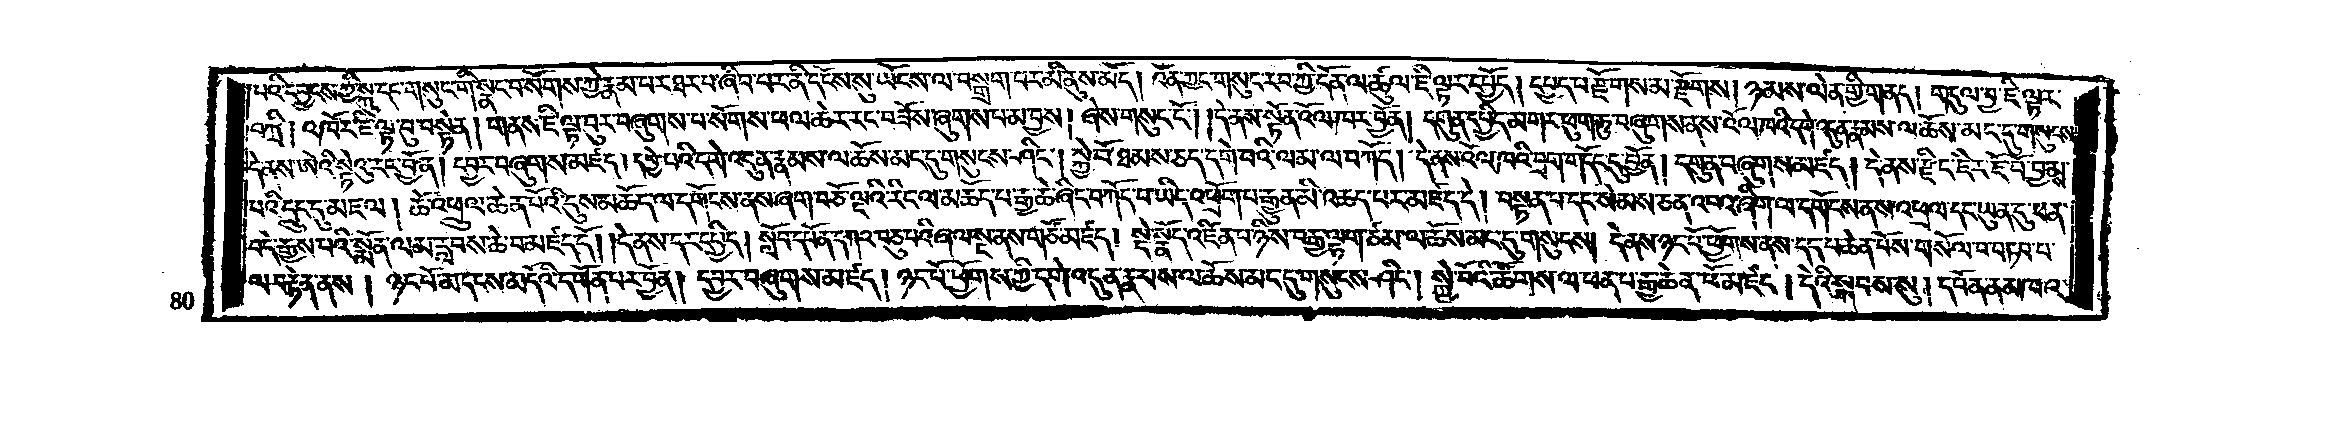པའི་དབྱངས་ཀྱི་སྐུ་དང་གསུང་གི་སྣང་བ་སོགས་ཀྱེ་?་རྣམ་པར་ཐར་པ་ཞིབ་པར་ནི་དངོས་སུ་ཡོངས་ལ་བསྒྲག་པར་མི་ནུས་མོད། འོན་ཀྱང་གསུང་རབ་ཀྱི་དོན་ལ་ཚུལ་ཇི་ལྟར་དཔྱོད། དཔྱད་པ་རྫོགས་མ་རྫོགས། ཉམས་ལེན་གྱི་གནད། གདུལ་བྱ་ཇི་ལྟར་
བཀྲི། འཁོར་ཇི་ལྟ་བུ་བསྟེན། གནས་ཇི་ལྟ་བུར་བཞུགས་པ་སོགས་ཕལ་ཆེར་རང་བཟོས་ཞུགས་པ་མ་བྱས། ཞེས་གསུང་ངོ། །དེ་ནས་སྟོན་འོལ་ཁར་བྱོན། དགུན་དཔྱིད་མགར་ཕུག་ཏུ་བཞུགས་ནས་འོལ་ཁའི་དགེ་འདུན་རྣམས་ལ་ཆོས་མང་དུ་གསུངས་
དེ་ནས་ཨེའི་སྟེའུ་རང་བྱོ་ན། དབྱར་བཞུགས་མཛད། དབྱེ་པའི་དགེ་འདུན་རྣམས་ལ་ཆོས་མང་དུ་གསུངས་ཤིང་། སྐྱེ་བོ་ཐམས་ཅད་དགེ་བའི་ལམ་ལ་བཀོད། དེ་ནས་འོལ་ཁའི་བྲག་གདོང་དུ་བྱོན། དགུན་བཞུགས་མཛད། དེ་ནས་རྫིང་ཇིར་ཇོ་བོ་བྱམས་
པའི་དྲུང་དུ་མཇལ། ཆོ་འཕྲུལ་ཆེན་པོའི་དུས་མཆོད་ལ་དགོངས་ནས་ཞག་བཅོ་ལྔའི་རིང་ལ་མཆོད་པ་རྒྱ་ཆེ་ཞིང་བཀོད་པ་ཡིད་འཕྲོག་པ་རྒྱུན་མི་འཆད་པར་མཛད་དེ། བསྟན་པ་དང་སེམས་ཅན་འབའ་ཞིག་ལ་དགོངས་ནས་འཕྲལ་དང་ཡུན་དུ་ཕན་
བདེ་རྒྱས་པའི་སྨོན་ལམ་རླབས་ཆེ་བ་མཛད་དོ། །དེ་ནས་དར་དཔྱིད། སློབ་དཔོན་དཀའ་བཅུ་པའི་ཞལ་སྔ་ནས་གཙོ་མཛད། སྡེ་སྣོད་འཛིན་པ་ཉིས་བརྒྱ་ལྷག་ཙམ་ལ་ཆོས་མང་དུ་གསུངས། དེ་ནས་ཉང་པོ་ཕྱོགས་ནས་དད་པ་ཆེན་པོས་གསོལ་བ་བཏབ་པ་
ལ་བརྟེན་ནས། ཉང་པོ་མ་དངས་མདོའི་དགོན་པར་བྱོན། དབྱར་བཞུགས་མཛད། ཉང་པོ་ཕྱོགས་ཀྱི་དགེ་འདུན་རྣམས་ལ་ཆོས་མང་དུ་གསུངས་ཤིང་། སྐྱེ་བོའི་ཚོགས་ལ་ཕན་པ་རྒྱ་ཆེན་པོ་མཛད། དེའི་སྐབས་སུ། དཔོན་ནམ་མཁའ་